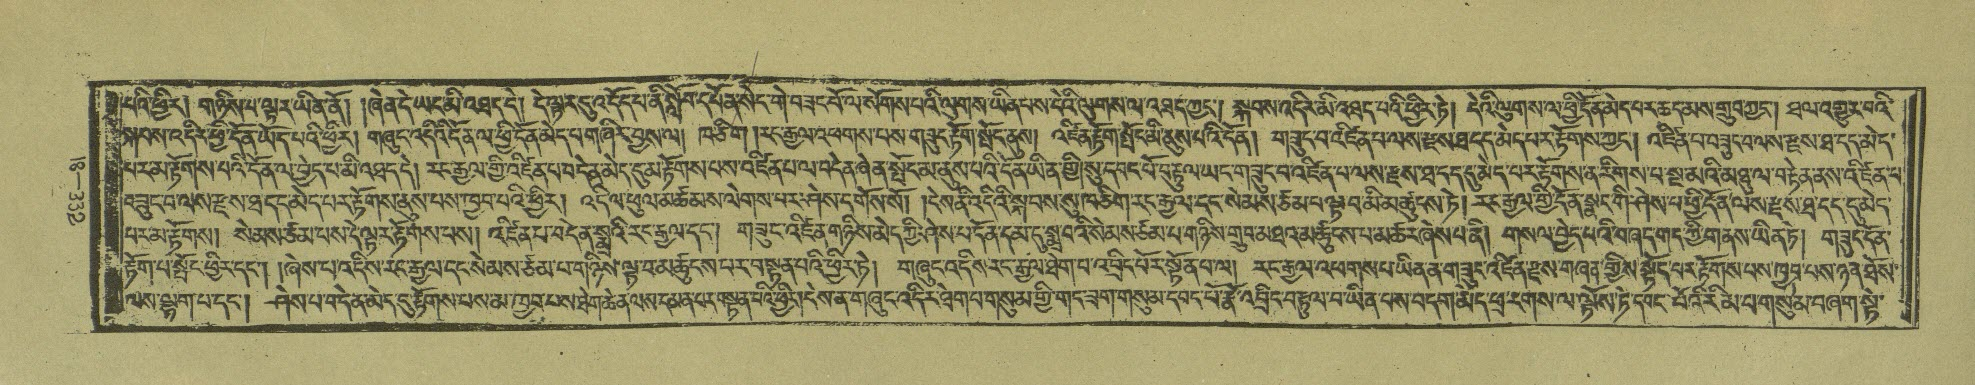པའི་ཕྱིར། གཉིས་པ་ལྟར་ཡིན་ནོ། །ཞེ་ན་དེ་ཡང་མི་འཐད་དེ། དེ་ལྟར་དུ་འདོད་པ་ནི་སློབ་དཔོན་སེང་གེ་བཟང་པོ་ལ་སོགས་པའི་ལུགས་ཡིན་པས་དེའི་ལུགས་ལ་འཐད་ཀྱང་། སྐབས་འདིར་མི་འཐད་པའི་ཕྱིར་ཏེ། དེའི་ལུགས་ལ་ཕྱི་དོན་མེད་པར་ཆད་མས་གྲུབ་ཀྱང་། ཐལ་འགྱུར་པའི་
སྐབས་འདིར་ཕྱི་དོན་ཡོད་པའི་ཕྱིར། གཞུང་འདིའི་དོན་ལ་ཕྱི་དོན་མེད་པ་གཞིར་བྱས་ལ། ཁ་ཅིག །རང་རྒྱལ་འཕགས་པས་གཟུང་རྟོག་སྤོང་ནུས། འཛིན་རྟོག་སྤོང་མི་ནུས་པའི་དོན། གཟུང་བ་འཛིན་པ་ལས་རྫས་ཐ་དད་མེད་པར་རྟོགས་ཀྱང་། འཛིན་པ་བཟུང་བ་ལས་རྫས་ཐ་དད་མེད་
པར་མ་རྟོགས་པའི་དོན་ལ་བྱེད་པ་མི་འཐད་དེ། རང་རྒྱལ་གྱི་འཛིན་པ་བདེན་མེད་དུ་མ་རྟོགས་པས་འཛིན་པ་ལ་བདེན་ཞེན་སྤོང་མ་ནུས་པའི་དོན་ཡིན་གྱི། སུ་དབང་པོ་བརྟུལ་ཡང་གཟུང་བ་འཛིན་པ་ལས་རྫས་ཐ་དད་དུ་མེད་པར་རྟོགས་ན་རིགས་པ་སྔ་མའི་མཐུ་ལ་བརྟེན་ནས་འཛིན་པ་
བཟུང་བ་ལས་རྫས་ཐ་དད་མེད་པར་རྟོགས་ནུས་པས་ཁྱབ་པའི་ཕྱིར། འདི་ལ་ཕུལ་མཚམས་ལེགས་པར་ཤེས་དགོས་སོ། །དེས་ནི་འདིའི་སྐབས་སུ་ཁ་ཅིག་རང་རྒྱལ་དང་སེམས་ཙམ་པ་ལྟ་བ་མི་མཚུངས་ཏེ། རང་རྒྱལ་གྱི་དོན་སྣང་གི་ཤེས་པ་ཕྱི་དོན་ལས་རྫས་ཐ་དད་དུ་མེད་
པར་མ་རྟོགས། སེམས་ཙམ་པས་དེ་ལྟར་རྟོགས་པས། འཛིན་པ་བདེན་སྨྲའི་རང་རྒྱལ་དང་། གཟུང་འཛིན་གཉིས་མེད་ཀྱི་ཤེས་པ་དོན་དམ་དུ་སྨྲ་བའི་སེམས་ཙམ་པ་གཉིས་གྲུབ་མཐའ་མཚུངས་པ་མཚར་ཞེས་པ་ནི། གསལ་བྱེད་པའི་བཞད་གང་ཀྱི་གནས་ཡིན་ཏེ། གཟུང་དོན་
རྟོག་པ་སྤོང་ཕྱིར་དང་། །ཞེས་པ་འདིས་རང་རྒྱལ་དང་སེམས་ཙམ་པ་གཉིས་ལྟ་བ་མཚུངས་པར་བསྟན་པའི་ཕྱིར་ཏེ། གཞུང་འདིས་རང་རྒྱལ་ཐེག་པ་འབྲིང་པོར་སྟོན་པ་ལ། རང་རྒྱལ་འཕགས་པ་ཡིན་ན་གཟུང་འཛིན་རྫས་གཞན་གྱིས་སྟོད་པར་རྟོགས་པས་ཁྱབ་པས་ཉན་ཐོས་
ལས་ལྷག་པ་དང་། ཤེས་པ་བདེན་མེད་དུ་རྟོགས་པས་མ་ཁྱབ་པས་ཐེག་ཆེན་ལས་དམན་པར་བསྟན་པའི་ཕྱིར། དེས་ན་གཞུང་འདིར་ཐེག་པ་གསུམ་གྱི་གང་ཟག་གསུམ་དབང་པོ་རྣོ་འབྲིང་བརྟུལ་བ་ཡིན་པས་བདག་མེད་ཕྲ་རགས་ལ་ལྟོས་ཏེ་དབང་པོའི་རིམ་པ་གསུམ་བཞག་སྟེ་